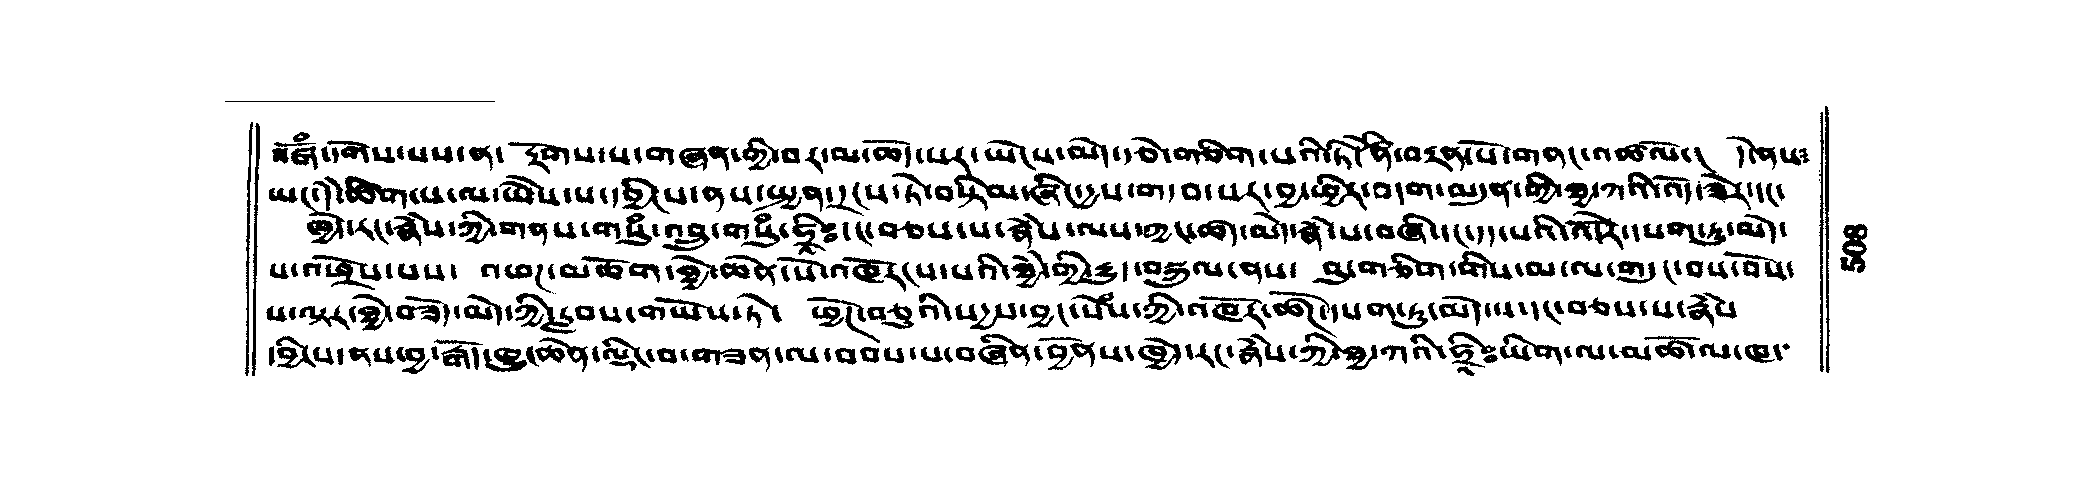བསྒོམ་དགོས་པས་ན། རྟོག་པ་གཞན་གྱི་བར་མ་ཆོད་པར་ཡེངས་མེད་རྩེ་གཅིག་པའི་ཏིང་འཛིན་བརྟན་པོ་གནང་འཚལ། དེ་ནས་
ཡང་དམ་ཚིག་པ་ལ་ཡེ་ཤེས་པ་དབྱིངས་ནས་སྤྱན་དྲངས་ཏེ་བསྟིམ་ཞིང་རྒྱས་གདབ་པར་བྱ་ཕྱིར་བདག་མདུན་གྱི་ཐུགས་ཀའི་འོད་ཟེར་དང་
ཁྱོད་རང་རྣམས་ཀྱི་གནས་གསུམ་འབྲུ་གསུམ་ཧྲཱིཿདང་བཅས་པ་རྣམས་ལས་ཀྱང་ཚད་མེད་རྣམ་པ་བཞི་དང་དད་པའི་འོད་ཟེར་དཔག་ཏུ་མེད་
པ་འཕྲོས་པས། འཕགས་མཆོག་ཐུགས་རྗེ་ཆེན་པོ་འཁོར་དང་བཅས་པའི་ཐུགས་ཀྱི་རྒྱུད་བསྐུལ་ནས། བུ་གཅིག་གིས་མ་ལ་གདུང་བས་བོས་
པ་ལྟར་ཐུགས་རྗེ་བཟོད་མེད་ཀྱི་རླབས་གཡོས་ཏེ། ཕྱོགས་བཅུའི་སངས་རྒྱས་བྱང་སེམས་ཀྱི་འཁོར་ཚོགས་དཔག་ཏུ་མེད་པ་དང་བཅས་པ་རྣམས་
དབྱིངས་ནས་བྱ་རྒོད་ཁྱུ་ཆེན་ལྡིང་བ་གཟན་ལ་བབས་པ་བཞིན་བྱོན་ནས་ཁྱོད་རང་རྣམས་ཀྱི་ཐུགས་ཀའི་ཧྲཱིཿཡིག་ལ་མཚོ་ལ་ཁ་